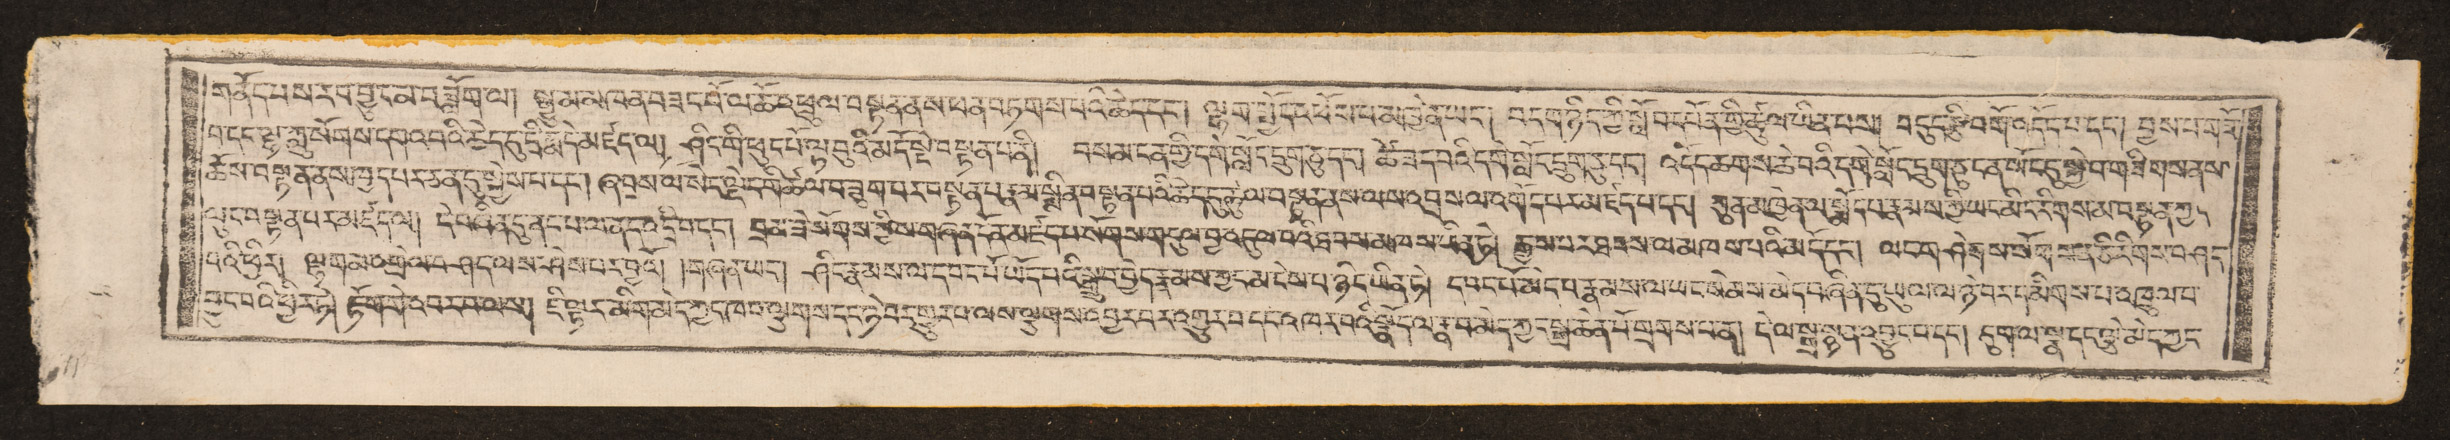གནོད་པས་རབ་བྱུང་མ་བཟློག་ལ། སྒྱུ་མ་མཁན་བཟང་པོ་ལ་ཆོ་འཕྲུལ་བསྟན་ནས་ཕན་བཏགས་པའི་ཆེད་དང་། ལྷག་སྤྱོད་འཕོས་པ་མཁྱེན་ཡང་། བདག་ཉིད་ཀྱི་སློབ་དཔོན་གྱི་ཚུལ་ཡིན་པས། བདུད་རྩི་བགོ་འདོད་པ་དང་། བྱས་པ་གཟོ་
བ་དང་ལྷ་ཀླུ་སོགས་དགའ་བའི་ཆེད་དུ་དྲི་རྨ་དེ་མཛད་ལ། ཤིང་གི་ཕུང་པོ་ལྟ་བུའི་མདོ་སྡེ་བསྟན་པ་ནི། བསམ་ངན་གྱི་དགེ་སློང་དྲུག་ཅུ་དང་། ཚེ་ཟད་པའི་དགེ་སློང་དྲུག་ཅུ་དང་། འདོད་ཆགས་ཆེ་བའི་དགེ་སློང་དྲུག་ཅུ་ངན་སོང་དུ་སྐྱེ་བ་གཟིགས་ནས་
ཆོས་བསྟན་ནས་ཁྱད་པར་ཅན་དུ་སྐྱེས་པ་དང་། ཞབས་ལ་སེང་ལྡེང་གི་ཚལ་བཟུག་པར་བསྟན་པ་རྣམ་སྨིན་བསྟན་པའི་ཆེད་དུ་ཚུལ་བསྟན་ནས་ལས་འབྲས་ལ་འགོད་པར་མཛད་པ་དང་། ཀུན་མཁྱེན་ལ་སྨོད་པ་རྣམས་ཀྱི་ཡང་མིང་རིགས་མ་བསྟན་ཀྱང་
ལུང་བསྟན་པར་མཛད་ལ། དེ་བཞིན་དུ་ནང་པ་ལ་ནད་འདྲི་བ་དང་། བྲམ་ཟེ་སོགས་ཀྱིས་གཞན་དོན་མཛད་པ་སོགས་གདུལ་བྱ་འདུལ་བའི་ཐབས་མཁས་ཡིན་ཏེ། རྒྱས་པར་ཐབས་ལ་མཁས་པའི་མདོ་དང་། ལང་གཤེགས་སོགས་ན་ཅི་རིགས་བཤད་
པའི་ཕྱིར། ལྷག་མ་འགྲེལ་བཤད་ལས་ཤེས་པར་བྱའོ། །གཞན་ཡང་། ཤིང་རྣམས་ལ་དབང་པོ་ཡོད་པའི་སྒྲུབ་བྱེད་རྣམས་ཀྱང་མ་ངེས་པ་ཉིད་ཡིན་ཏེ། དབང་པོ་མེད་པ་རྣམས་ལ་ཡང་སེམས་མེད་བཞིན་དུ་ཡུལ་ལ་ཉེ་བར་དམིགས་པ་འཁྲུལ་བ་
བྱུང་བའི་ཕྱིར་ཏེ། རྟོག་གེ་འབར་བ་ལས། ཇི་ལྟར་མིག་མེད་ཀྱང་ཁབ་ལྕགས་དང་ཉེ་བར་གྱུར་བ་ལས་ལྕགས་འབྱར་བར་འགྱུར་བ་དང་འཁར་བའི་སྣོད་ལ་རྣ་བ་མེད་ཀྱང་སྒྲ་ཆེན་པོ་གྲགས་པ་ན། དེ་ལ་སྒྲ་སྙན་འབྱུང་བ་དང་། དུག་ལ་སྣ་དང་ལྕེ་མེད་ཀྱང་